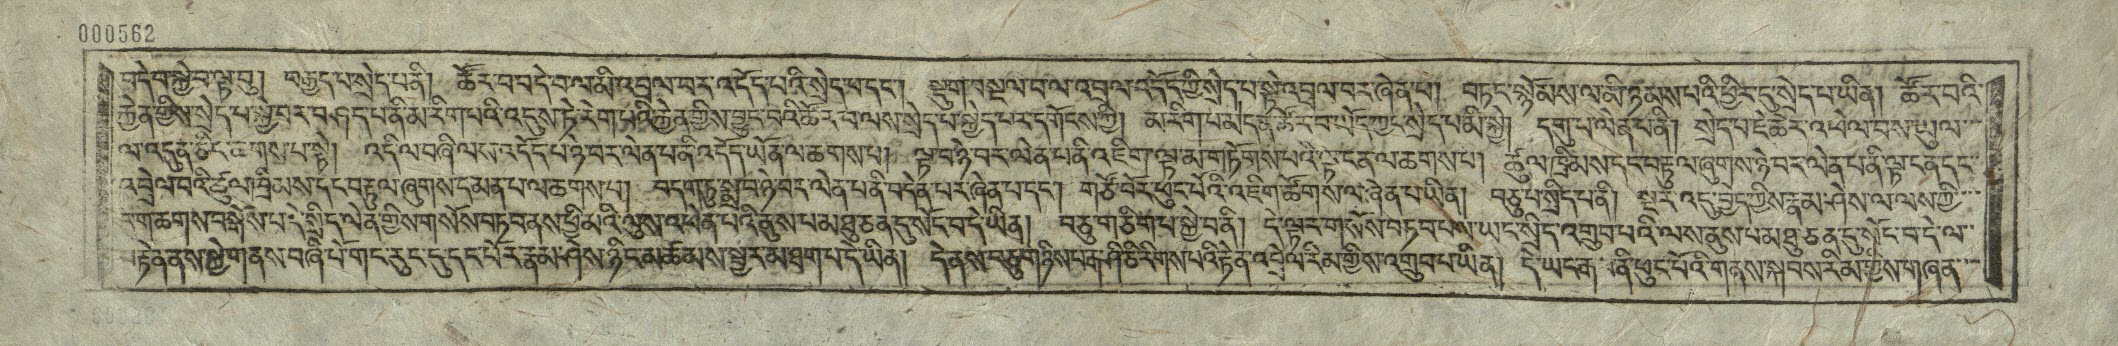བདེ་བ་སྐྱེ་བ་ལྟ་བུ། བརྒྱད་པ་སྲེད་པ་ནི། ཚོར་བ་བདེ་བ་ལ་མི་འབྲལ་བར་འདོད་པའི་སྲེད་པ་དང་། སྡུག་བསྔལ་བ་ལ་འབྲལ་འདོད་ཀྱི་སྲེད་པ་སྟེ་འབྲལ་བར་ཞེན་པ། བཏང་སྙོམས་ལ་མི་ཉམས་པའི་ཕྱིར་དུ་སྲེད་པ་ཡིན། ཚོར་བའི་
རྐྱེན་གྱིས་སྲེད་པ་སྐྱེ་བར་བཤད་པ་ནི་མ་རིག་པའི་འདུས་ཏེ་རེག་པའི་རྐྱེན་གྱིས་བྱུང་བའི་ཚོར་བ་ལས་སྲེད་པ་སྐྱེད་པར་དགོངས་ཀྱི། མ་རིག་པ་མེད་ན་ཚོར་བ་ཡོད་ཀྱང་སྲེད་པ་མི་སྐྱེ། དགུ་པ་ལེན་པ་ནི། སྲེད་པ་ཇེ་ཆེར་འཕེལ་བས་ཡུལ་
ལ་འདུན་ཅིང་ཆགས་པ་སྟེ། འདི་ལ་བཞི་ལས་འདོད་པ་ཉེ་བར་ལེན་པ་ནི་འདོད་ཡོན་ལ་ཆགས་པ། ལྟ་བ་ཉེ་བར་ལེན་པ་ནི་འཇིག་ལྟ་མ་གཏོགས་པའི་ལྟ་ངན་ལ་ཆགས་པ། ཚུལ་ཁྲིམས་དང་བརྟུལ་ཞུགས་ཉེ་བར་ལེན་པ་ནི་ལྟ་ངན་དང་
འབྲེལ་བའི་ཚུལ་ཁྲིམས་དང་བརྟུལ་ཞུགས་དམན་པ་ལ་ཆགས་པ། བདག་ཏུ་སྨྲ་བ་ཉེ་བར་ལེན་པ་ནི་བདེན་པར་ཞེན་པ་དང་། གཙོ་བོར་ཕུང་པོའི་འཇིག་ཚོགས་ལ་ཞེན་པ་ཡིན། བཅུ་པ་སྲིད་པ་ནི། སྔར་འདུ་བྱེད་ཀྱིས་རྣམ་ཤེས་ལ་ལས་ཀྱི་
བག་ཆགས་བསྒོས་པ་དེ་སྲིད་ལེན་གྱིས་གསོས་བཏབ་ནས་ཕྱི་མའི་ལུས་འཕེན་པའི་ནུས་པ་མཐུ་ཅན་དུ་སོང་བ་དེ་ཡིན། བཅུ་གཅིག་པ་སྐྱེ་བ་ནི། དེ་ལྟར་གསོས་བཏབ་པས་ཡང་སྲིད་འགྲུབ་པའི་ལས་ནུས་པ་མཐུ་ཅན་དུ་སོང་བ་དེ་ལ་
བརྟེན་ནས་སྐྱེ་གནས་བཞི་པོ་གང་རུང་དུ་དང་པོར་རྣམ་ཤེས་ཉིང་མཚམས་སྦྱར་མ་ཐག་པ་དེ་ཡིན། དེ་ནས་བཅུ་གཉིས་པ་རྒ་ཤི་ཅི་རིགས་པའི་རྟེན་འབྲེལ་རིམ་གྱིས་འགྲུབ་པ་ཡིན། དེ་ཡང་རྒ་བ་ནི་ཕུང་པོའི་གནས་སྐབས་རིམ་གྱིས་གཞན་